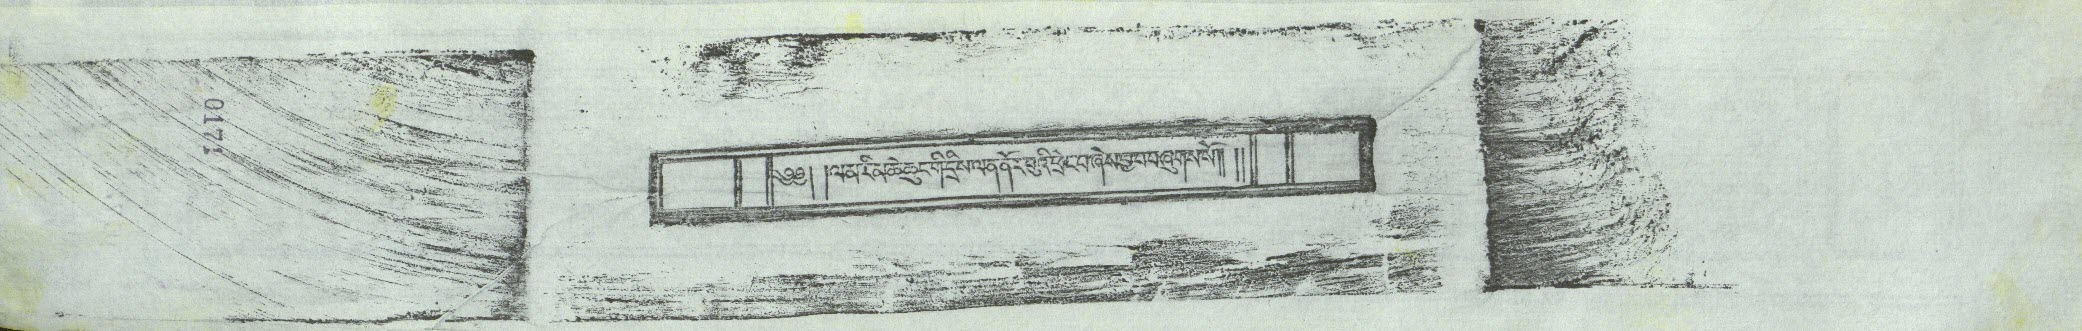༄༅། །ལམ་རིམ་ཆེ་ཆུང་གི་དྲིས་ལན་ནོར་བུའི་ཕྲེང་བ་ཞེས་བྱ་བ་བཞུགས་སོ།། །།